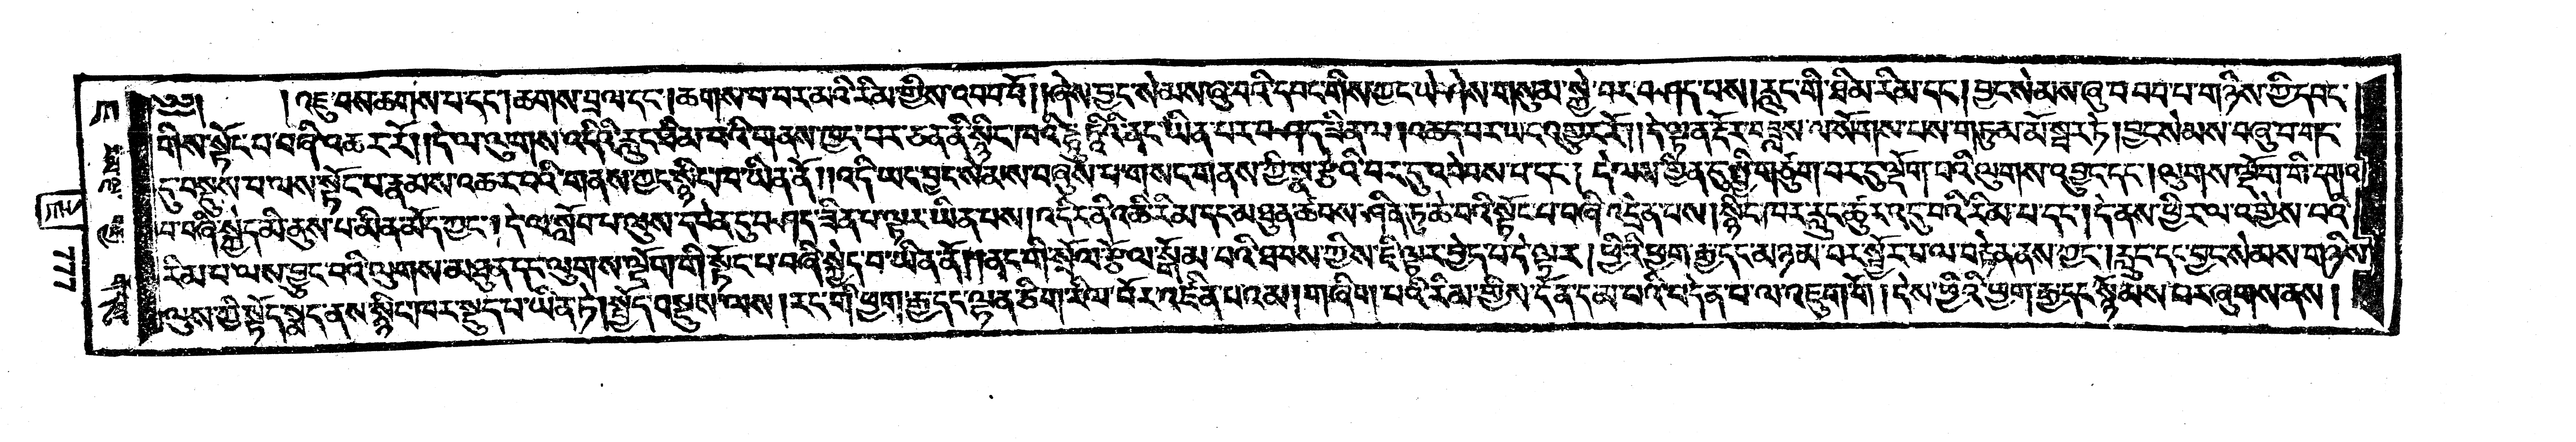༄༅། །འཇུ་བས་ཆགས་པ་དང་། ཆགས་བྲལ་དང་། ཆགས་པ་བར་མའི་རིམ་གྱིས་འབབ་བོ། །ཞེས་བྱང་སེམས་ཞུ་བའི་དབང་གིས་ཀྱང་ཡེ་ཤེས་གསུམ་སྐྱེ་བར་བཤད་པས། རླུང་གི་ཐིམ་རིམ་དང་། བྱང་སེམས་ཞུ་བ་བབ་པ་གཉིས་ཀྱི་དབང་
གིས་སྟོང་པ་བཞི་འཆར་རོ། །དེ་ལ་ལུགས་འདིའི་རླུང་ཐིམ་པའི་གནས་ཁྱད་པར་ཅན་ནི་སྙིང་ཁའི་དྷཱུ་ཏཱིའི་ནང་ཡིན་པར་བཤད་ཟིན་ལ། འཆད་པར་ཡང་འགྱུར་རོ། །དེ་ལྟ་ན་རྡོར་བཟླས་ལ་སོགས་པས་གཏུམ་མོ་སྦར་ཏེ། བྱང་སེམས་བཞུ་བ་གང་
དུ་བསྡུས་པ་ལས་སྟོང་པ་རྣམས་འཆར་བའི་གནས་ཀྱང་སྙིང་ཁ་ཡིན་ནོ། །འདི་ཡང་བྱང་སེམས་བཞུས་པ་གསང་གནས་ཀྱི་སྣ་རྩེའི་བར་དུ་འབེབས་པ་དང་། དེ་ལས་གྱེན་དུ་སྤྱི་གཙུག་བར་དུ་ལྡོག་པའི་ལུགས་འབྱུང་དང་། ལུགས་ལྡོག་གི་དགའ་
བ་བཞི་སྐྱེད་མི་ནུས་པ་མིན་མོད་ཀྱང་། དེ་ལ་སློབ་པ་ལུས་དབེན་དུ་བཤད་ཟིན་པ་ལྟར་ཡིན་པས། འདིར་ནི་འཆི་རིམ་དང་མཐུན་ཚབས་ཤིན་ཏུ་ཆེ་བའི་སྟོང་པ་བཞི་འདྲེན་པས། སྙིང་ཁར་རླུང་ཚུར་འདུ་བའི་རིམ་པ་དང་། དེ་ནས་ཕྱིར་ལ་འགྱེས་པའི་
རིམ་པ་ལས་བྱུང་བའི་ལུགས་མཐུན་དང་ལུགས་སྡོག་གི་སྟོང་པ་བཞི་སྐྱེད་པ་ཡིན་ནོ། །ནང་གི་སྲོལ་རྩོལ་སྒོམ་པའི་ཐབས་ཀྱིས་ཇི་ལྟར་བྱེད་པ་དེ་ལྟར། ཕྱིའི་ཕྱག་རྒྱ་དང་མཉམ་པར་སྦྱོར་བ་ལ་བརྟེན་ནས་ཀྱང་། རླུང་དང་བྱང་སེམས་གཉིས་
ལུས་ཀྱི་སྟོད་སྨད་ནས་སྙིང་ཁར་སྡུད་པ་ཡིན་ཏེ། སྤྱོད་བསྡུས་ལས། རང་གི་ཕྱག་རྒྱ་དང་ལྷན་ཅིག་རིལ་པོར་འཛིན་པའམ། གཞིག་པའི་རིམ་གྱིས་དོན་དམ་པའི་བདེན་པ་ལ་འཇུག་གོ །དེས་ཕྱིའི་ཕྱག་རྒྱ་དང་སྙོམས་པར་ཞུགས་ནས།